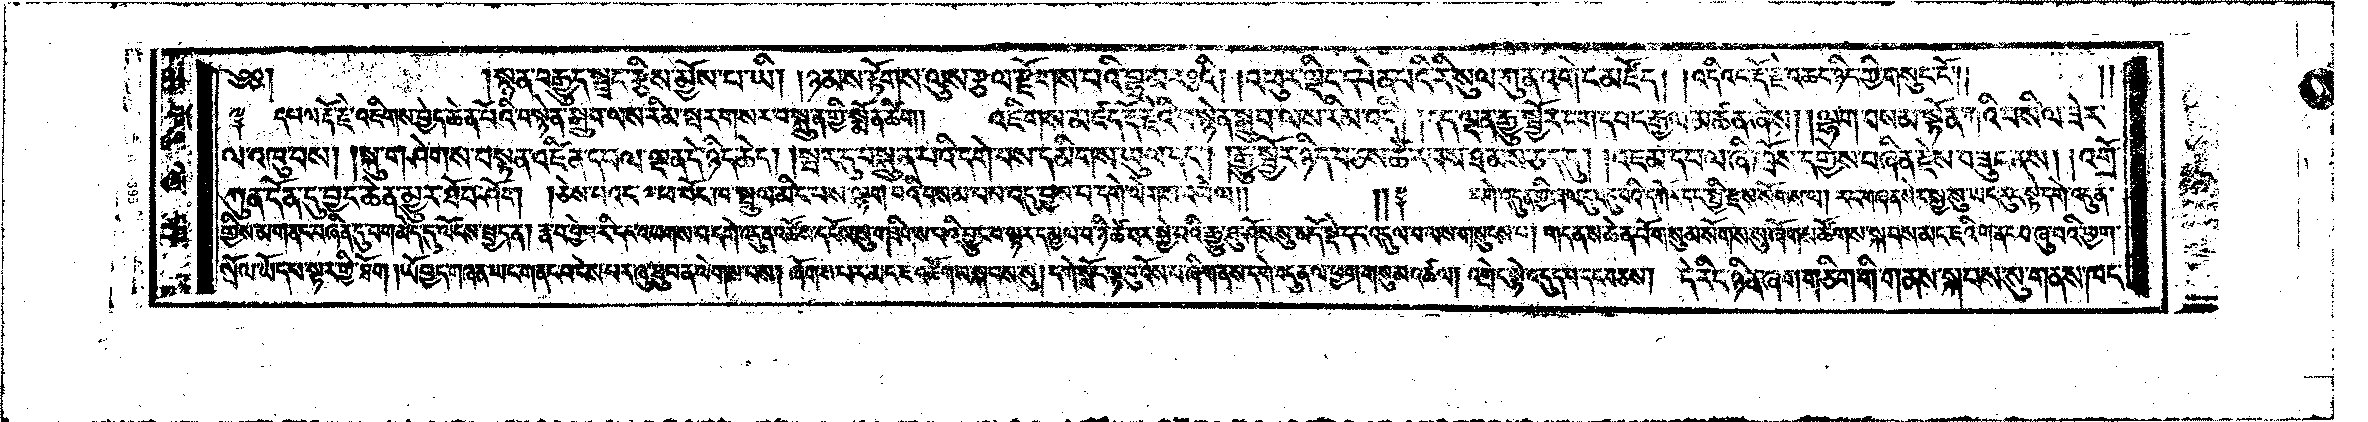༄༅། །སྙན་བརྒྱུད་སྦྲང་རྩིས་མྱོས་པ་ཡི། །ཉམས་རྟོགས་ལུས་རྩལ་རྫོགས་པའི་བྷྲམརཿའི། །འཕུར་ལྡིང་དབེན་པའི་རི་སུལ་ཀུན་འགེང་མཛོད། །འདིའང་རྡོ་རྗེ་འཆང་ཉིད་ཀྱི་གསུང་ངོ།། །།
༈ དཔལ་རྡོ་རྗེ་འཇིགས་བྱེད་ཆེན་པོའི་བསྙེན་སྒྲུབ་ལས་རིམ་སྤར་གསར་བསྐྲུན་གྱི་སྨོན་ཚིག། འཇིགས་མཛད་རྡོ་རྗེའི་བསྙེན་སྒྲུབ་ལས་རིམ་འདི། །དད་ལྡན་རྒྱུ་སྦྱོར་ངག་དབང་རྒྱལ་མཚན་ཞེས། །ལྷག་བསམ་སྟོན་ཀའི་བསིལ་ཟེར་
ལ་འཁུ་བས། །སྐུ་གཤེགས་བསྟན་འཛིན་དཔལ་ལྡན་དེ་ཉིད་ཆེད། །སྦར་དུ་བསྐྲུན་པའི་དགེ་བས་དམིགས་ཡུལ་དང་། །རྒྱུ་སྦྱོར་ཉིད་བཅས་ཚེ་རབས་ཐམས་ཅད་དུ། །འཇམ་དཔལ་ཞི་ཁྲོས་དགྱེས་བཞིན་རྗེས་བཟུང་ནས། །འགྲོ་
ཀུན་དོན་དུ་བྱུང་ཆེན་མྱུར་ཐོབ་ཤོག །ཅེས་པའང ༧ཕ་བོང་ཁ་སྤྲུལ་མིང་པས་ལྷག་པའི་བསམ་པས་འདུ་བྱས་པ་དགེ་ལེགས་འཕེལ།། །།༈ དགེ་འདུན་གྱི་ཞལ་དུ་འདུ་བའི་དཀོར་དང་སྤྱི་རྫས་སོགས་ལ། རང་གཞན་སེར་སྐྱ་སུ་ཡང་རུང་སྟེ་དགེ་འདུན་
གྱིས་མ་གནང་བཞིན་དུ་བག་མེད་དུ་ལོངས་སྤྱད་ན། རྣ་བ་བྱེ་བ་རི་དང་འཕགས་པ་དགེ་འདུན་འཚོས་དངོས་སུ་གཟིགས་པའི་བྱུང་བ་ལྟར་དམྱལ་བ་ཉི་ཚེ་བར་སྐྱེ་བའི་རྒྱུ་ཐུ་ཤོས་སུ་མདོ་སྡེ་དང་འདུལ་བ་ལས་གསུངས་པ། གདན་ས་ཆེན་པོ་གསུམ་སོགས་སུ་ཞོགས་ཚོགས་སྐབས་མང་ཇའི་གནང་བ་ཞུ་བའི་ཕྱག་
སྲོལ་ཡོད་པ་ལྟར་གྱི་ཐོག །ཡོ་བྱད་གཞན་ཡང་གནང་བ་ངེས་པར་ཞུ་ཐུབ་ན་ལེགས་པས། ཞོགས་པར་མང་ཇ་འཚོགས་སྐབས་སུ། དགེ་སློང་ལྟ་བུ་འོས་པ་ཞིག་ནས་དགེ་འདུན་ལ་ཕྱག་གསུམ་འཚལ། འགྲེང་སྙེ་བདུད་པ་དང་བཅས། དེ་རིང་ཉིན་ཞག་གཅིག་གི་གནས་སྐབས་སུ་གནས་ཁང་